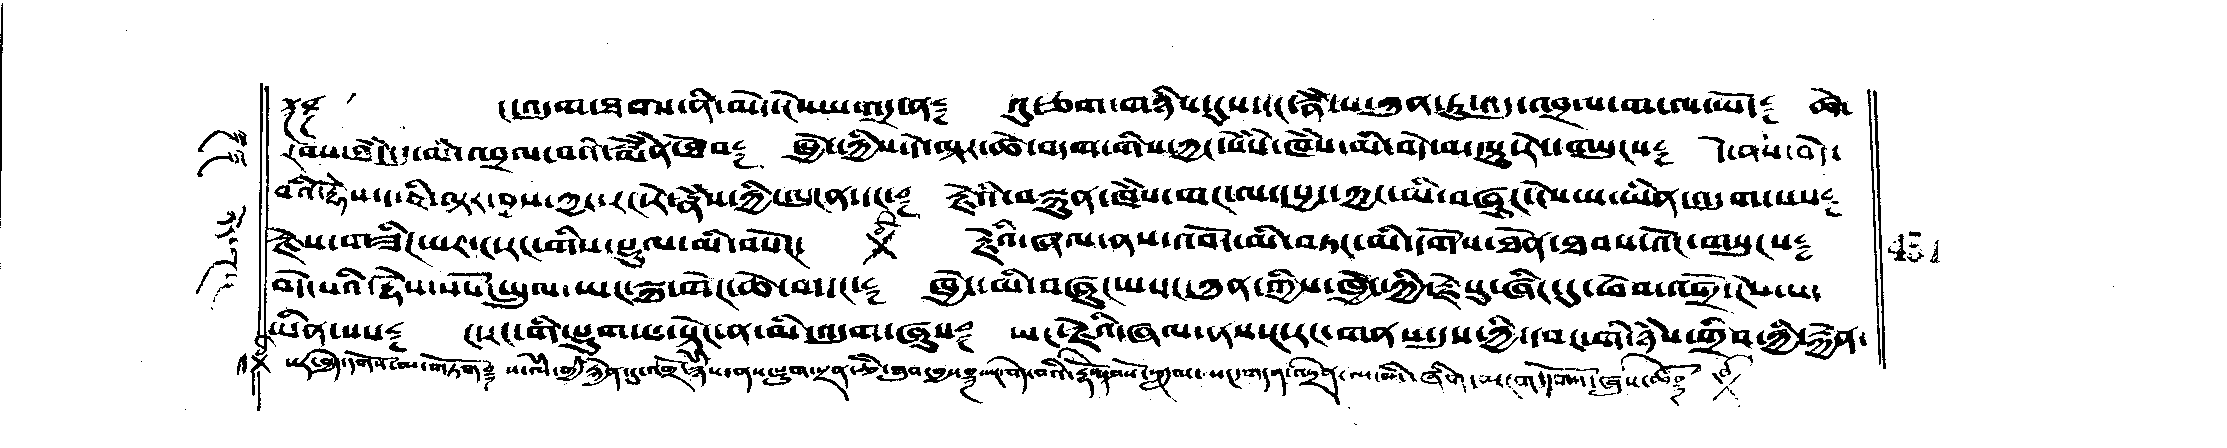ང་འདུག་ཐབས་ནི་མེད་ངེས་པ་འདྲ་ན། འུ་ཅག་གཉིས་དུས་དང་རྣམ་པ་ཀུན་ཏུ་འདུ་འབྲལ་ག་ལ་ཡོད། ཚེ་
རབས་ཐམས་ཅད་དུ་མི་འབྲལ་བའི་སྨོན་ལམ་ཐོབ། ཁྱེད་ཀྱིས་དེ་ལྟར་ཚེ་བདག་གིས་ཀྱང་སེམས་ཁམས་མི་བདེ་བ་ལྟ་བུ་རེ་གསུངས། དེ་ནས་བདེ་
བའི་རྡོ་རྗེས་ང་ཇི་ལྟར་བྱས་ཀྱང་རང་རེ་རྣམས་ཀྱི་ལུང་བསྟན་དང་། རྗེའི་བསྙུན་ཁམས་གང་ལ་དཔྱད་ཀྱང་མི་བཞུགས་ངེས་པ་ཡིན་འདུག་པས། 
རྗེས་གཟིགས་པར་ང་རང་གིས་སྡུག་བསྔལ་མི་བསོགས་ རྗེའི་ཞལ་ནས་འབོད་མི་བཏང་མི་དགོས་ཐོན་ཐབས་འོང་གསུངས། 
བདེ་བའི་རྡོ་རྗེས་བསོ་སྤྲུལ་ཡང་སྐུ་གེགས་ཆེ་བ་དང་། ཁྱེད་མི་བཞུགས་པ་དང་ཀུན་གྱིས་ཁྱེད་ཀྱི་རྗེས་སུ་ཞིང་དུ་ཕེབས་འགྲོ་ངེས་པ་
ཡིན་པས། ང་རང་གི་སྡུག་ས་སྟེང་ན་མི་འདུག་ཞུས། ཡང་རྗེའི་ཞལ་ནས་ང་རང་གནས་དུས་ཀྱི་དབང་གི་ཉམས་གྲིབ་ཀྱི་རྐྱེན་
པར་བྱེད་དགོས་མ་གཏོག ས་ལམ་གྱི་རྐྱེན་དུ་འགྲོ་སྙམ་ནས་སྡུག་སྲན་ཅི་ཐུབ་བྱས། ཡང་བདེ་བའི་རྡོ་རྗེས་བསོ་སྤྲུལ་སང་གདན་འདྲེན་ལ་མི་ཞིག་མངག་དགོས་ཞུས་ཚེ།